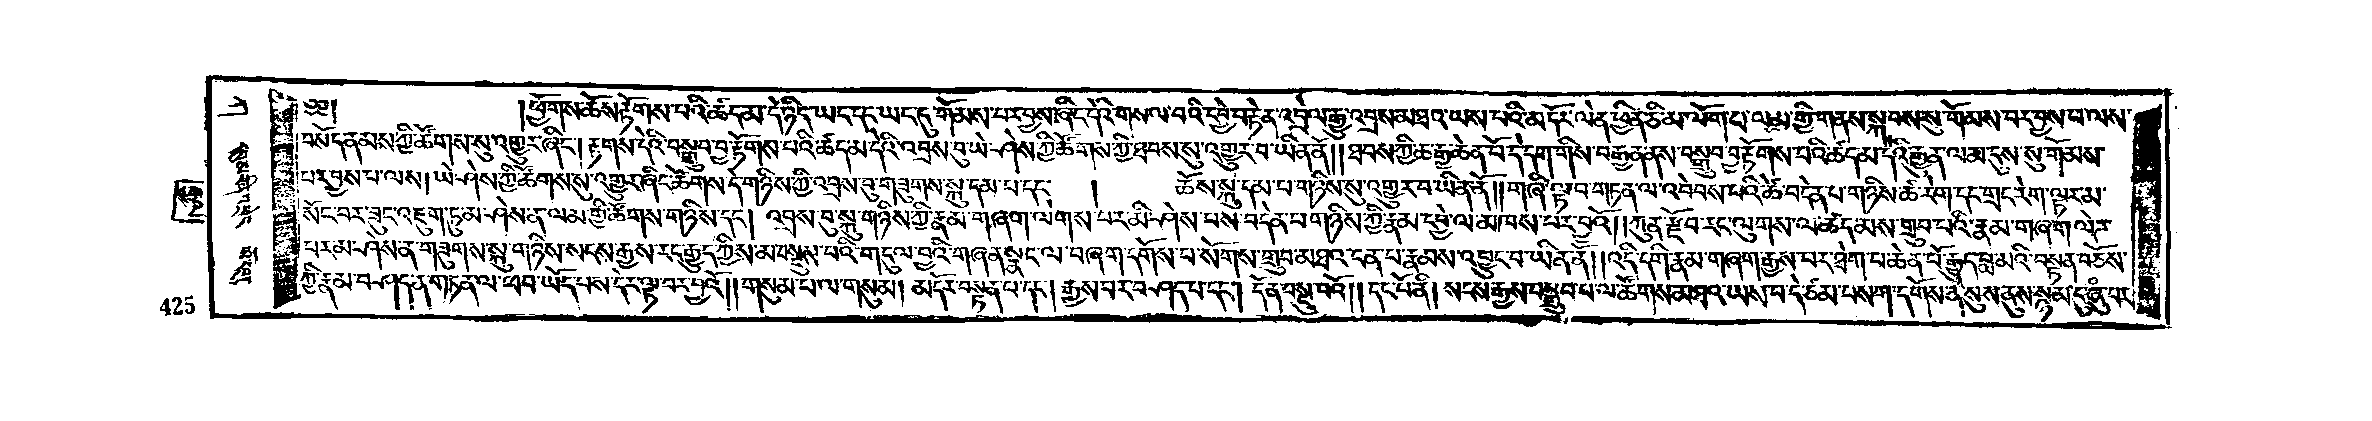༄༅། །ཕྱོགས་ཆོས་རྟོགས་པའི་ཚད་མ་དེ་ཉིད་ཡང་དང་ཡང་དུ་གོམས་པར་བྱས་ཞིང་དེའི་གསལ་བའི་དབྱེ་བ་རྟེན་འབྲེལ་རྒྱུ་འབྲས་མཐའ་ཡས་པའི་མདོར་ལེན་ཕྱིན་ཅི་མ་ལོག་པ་ལམ་གྱི་གནས་སྐབས་སུ་གོམས་པར་བྱས་པ་ལས་
བསོད་ནམས་ཀྱི་ཚོགས་སུ་འགྱུར་ཞིང་། རྟགས་དེའི་བསྒྲུབ་བྱ་རྟོགས་པའི་ཚད་མ་དེའི་འབྲས་བུ་ཡེ་ཤེས་ཀྱི་ཚོགས་ཀྱི་ཐབས་སུ་འགྱུར་བ་ཡིན་ནོ། །ཐབས་ཀྱི་ཆ་རྒྱ་ཆེན་པོ་དེ་དག་གིས་བརྒྱན་ནས་བསྒྲུབ་བྱ་རྟོགས་པའི་ཚད་མ་དེའི་རྒྱུན་ལམ་དུས་སུ་གོམས་
པར་བྱས་པ་ལས། ཡེ་ཤེས་ཀྱི་ཚོགས་སུ་འགྱུར་ཞིང་ཚོགས་དེ་གཉིས་ཀྱི་འབྲས་བུ་གཟུགས་སྐུ་དམ་པ་དང་། ཆོས་སྐུ་དམ་པ་གཉིས་སུ་འགྱུར་བ་ཡིན་ནོ། །གཞི་ལྟ་བ་གཏན་ལ་འབེབས་པའི་ཚེ་བདེན་པ་གཉིས་ཚ་རེག་དང་གྲང་རེག་ལྟར་མ་
སོང་བར་ཟུང་འཇུག་ཏུ་མ་ཤེས་ན་ལམ་གྱི་ཚོགས་གཉིས་དང་། འབྲས་བུ་སྐུ་གཉིས་ཀྱི་རྣམ་གཞག་ལེགས་པར་མི་ཤེས་པས་བདེན་པ་གཉིས་ཀྱི་རྣམ་དབྱེ་ལ་མཁས་པར་བྱའོ། །ཀུན་རྫོབ་རང་ལུགས་ལ་ཚད་མས་གྲུབ་པའི་རྣམ་གཞག་ལེགས་
པར་མ་ཤེས་ན་གཟུགས་སྐུ་གཉིས་སངས་རྒྱས་རང་རྒྱུད་ཀྱིས་མ་བསྡུས་པའི་གདུལ་བྱའི་གཞན་སྣང་ལ་བཞག་དགོས་པ་སོགས་གྲུབ་མཐའ་ངན་པ་རྣམས་འབྱུང་བ་ཡིན་ནོ། །འདི་དག་རྣམ་གཞག་རྒྱས་པར་ཐེག་པ་ཆེན་པོ་རྒྱུད་བླ་མའི་བསྟན་བཅོས་
ཀྱི་རྣམ་བཤད་ན་གཏན་ལ་ཕབ་ཡོད་པས་དེར་ལྟ་བར་བྱའོ། །གསུམ་པ་ལ་གསུམ། མདོར་བསྟན་པ་དང་། རྒྱས་པར་བཤད་པ་དང་། དོན་བསྡུ་བའོ། །དང་པོ་ནི། སངས་རྒྱས་བསྒྲུབ་པ་ལ་ཚོགས་མཐའ་ཡས་པ་དེ་ཙམ་བསག་དགོས་ན་སུས་ནུས་སྙམ་དུ་ཞུམ་པར་